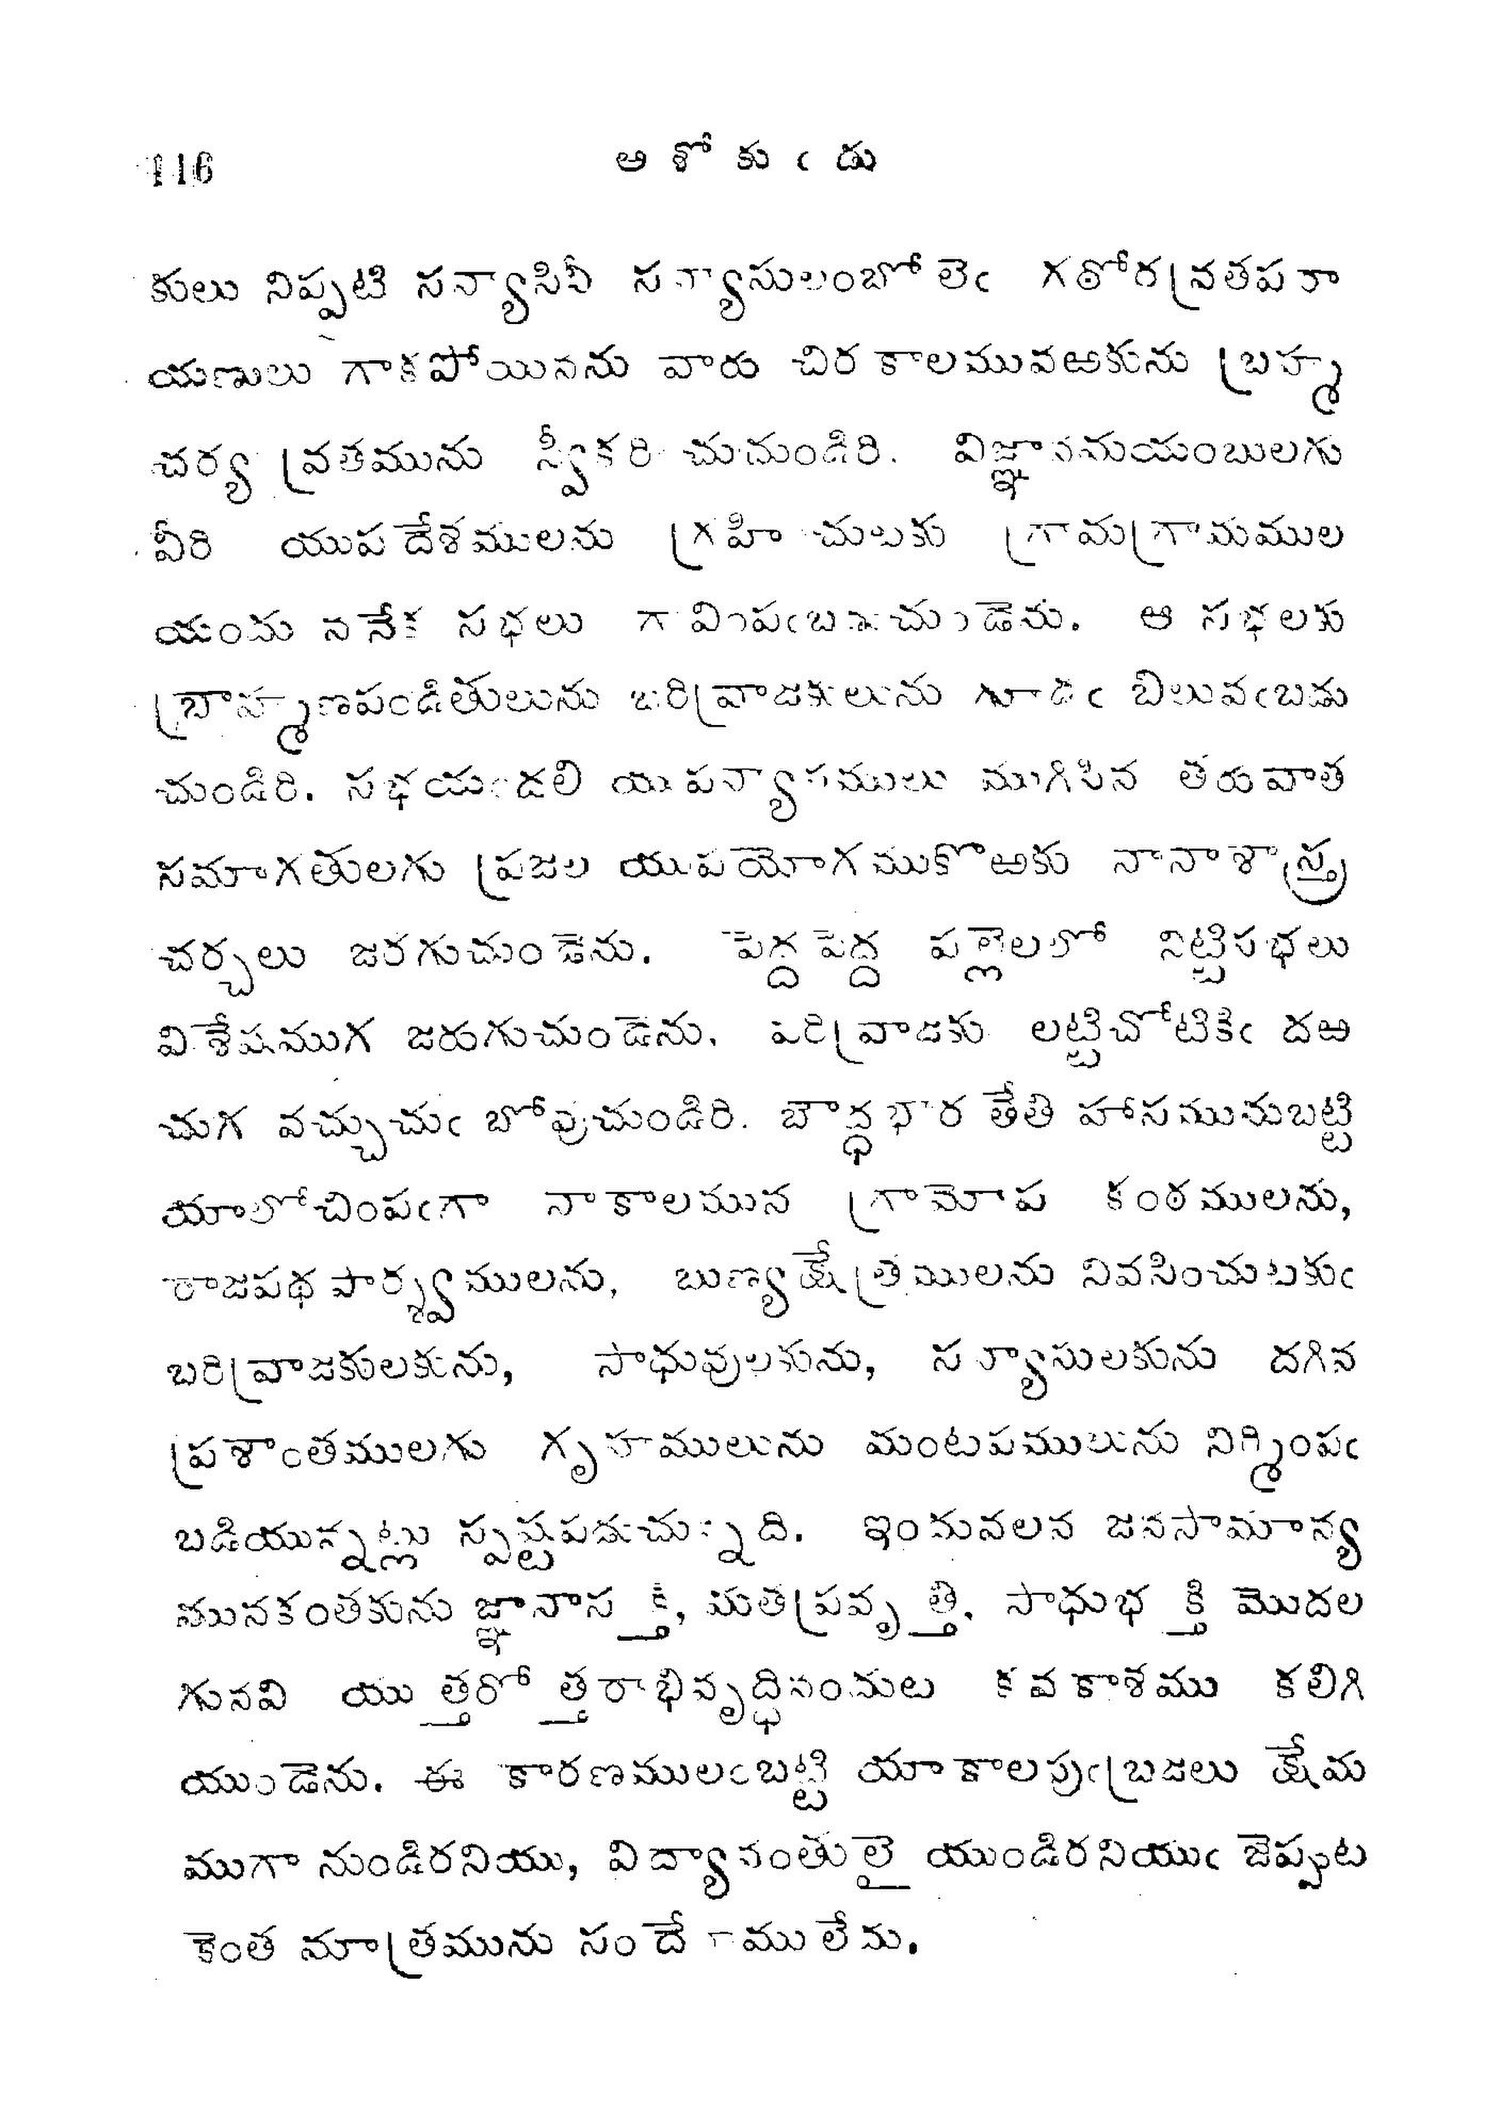కులు నిప్పటి సన్యాసినీ సన్యాసులంబోలెఁ గఠోరవ్రతపరాయణులు గాక పోయినను వారు చిర కాలమువఱకును బ్రహ్మచర్య వ్రతమును స్వీకరించుచుండిరి. విజ్ఞానమయంబులగు వీరియుప దేశములను గ్రహించులకు గ్రామగ్రామముల యందు ననేక సభలు గావింపబడుఛ్హుండెను.
ఆ సభలకు బ్రాహ్మణ పండితులును బరివ్రాజకులును గూడఁ బిలువఁబడు చుండిరి. సభయందలి యుపన్యాసములు ముగిసిన తరువాత సమాగతులగు ప్రజల యుపయోగము కొఱకు నానాశాస్త్ర చర్చలు జరుగుచుండెను. పెద్ద పెద్ద పల్లెలలో నిట్టి సభలు విశేషముగ జరుగుచుండెను. పరివ్రాజకు లట్టి చోటికిఁ దఱచుగ వచ్చుచుఁ బోవుచుండిరి. బౌద్ధ భారతేతి హాసమునుబట్టి యాలోచింపఁగా నా కాలమున గ్రామోప కంఠములను,"రాజపథ పార్శ్వములను, బుణ్య క్షేత్రములను నివసించుటకుఁ బరివ్రాజకులకును, సాధువులకును, సన్యాసులకును దగిన ప్రశాంతములగు గృహములును మంటపములును నిర్మింపఁ బడియున్నట్లు స్పష్టపడుచున్నది. ఇందువలన జనసామాన్య మునకంతకును జ్ఞానాసక్తి, మత ప్రవృత్తి, సాధుభక్తి మొదలగునవి యుత్తరోత్తరాభివృద్ధి నందుట కవకాశము కలిగి యుండెను. ఈ కారణములఁబట్టి యా కాలపుఁ బ్రజలు క్షేమముగా నుండిరనియు, విద్యావంతులై యుండిర నియుఁ జెప్పుట కెంత మాత్రమును సందేహము లేదు.